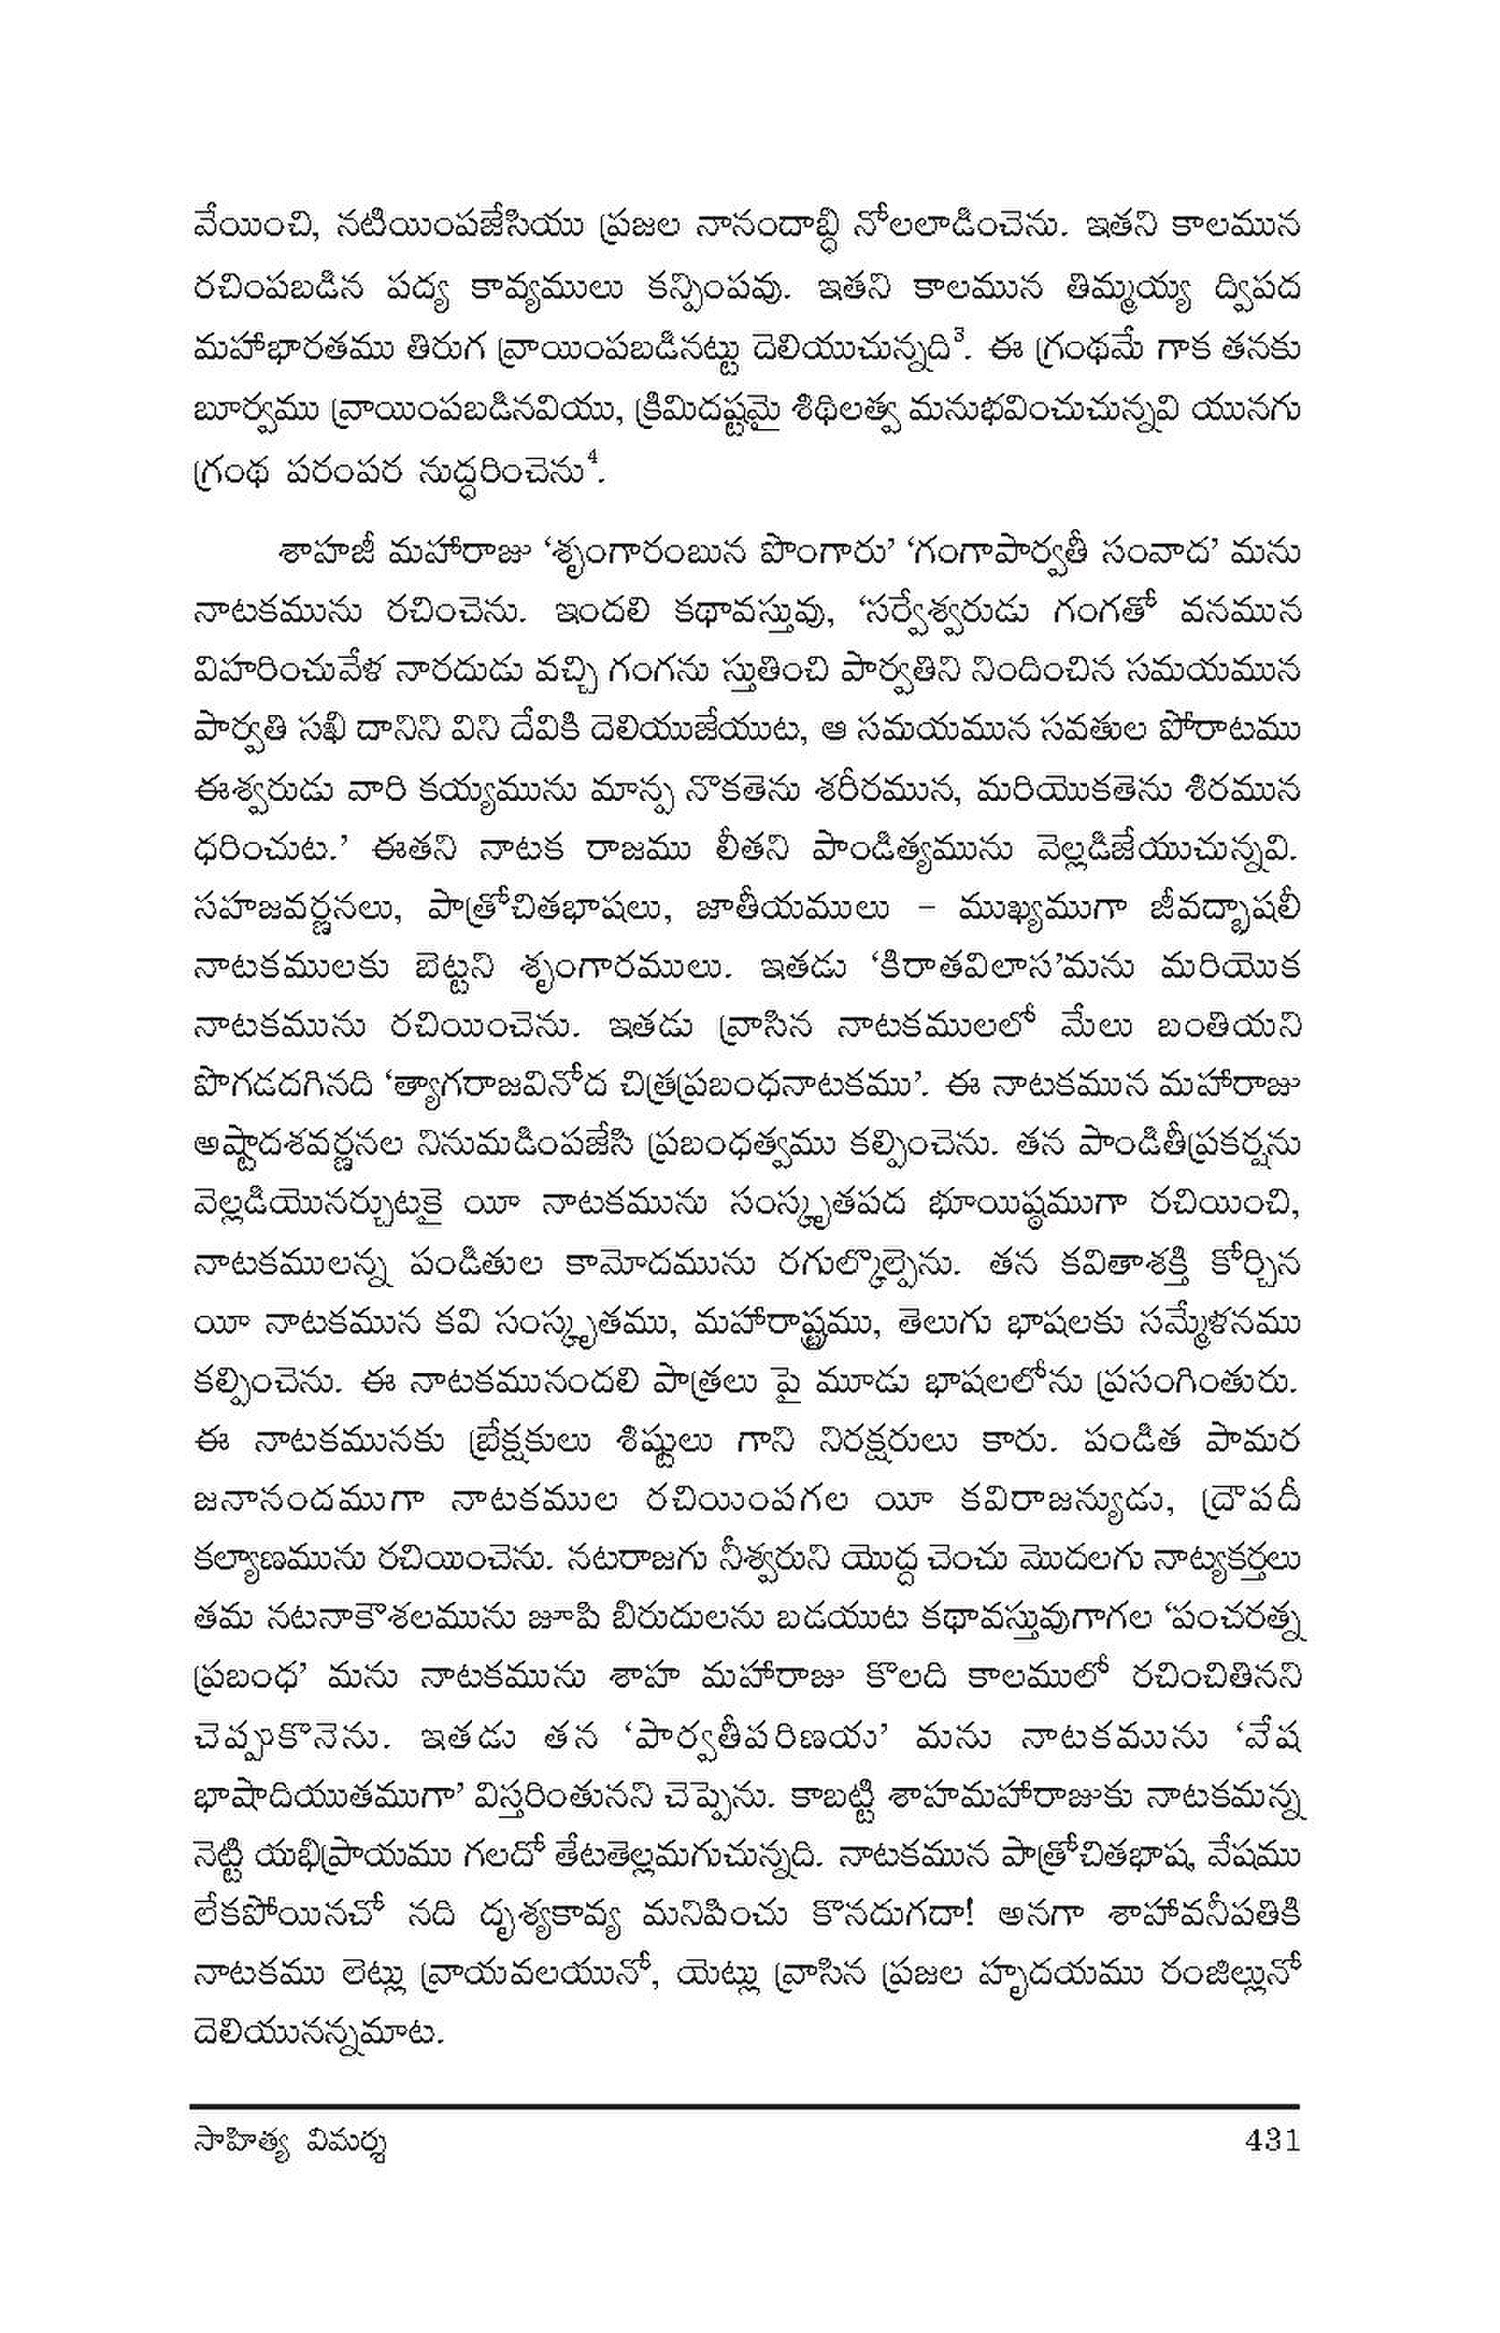వేయించి, నటియింపజేసియు ప్రజల నానందాబ్ది నోలలాడించెను. ఇతని కాలమున రచింపబడిన పద్య కావ్యములు కన్పింపవు. ఇతని కాలమున తిమ్మయ్య ద్విపద మహాభారతము తిరుగ వ్రాయింపబడినట్టు దెలియుచున్నది. ఈ గ్రంథమే గాక తనకు బూర్వము వ్రాయింపబడినవియు, క్రిమీదష్టమై శిథిలత్వ మనుభవించుచున్నవి యునగు గ్రంథ పరంపర నుద్ధరించెను.

శాహజీ మహారాజు 'శృంగారంబున పొంగారు' 'గంగాపార్వతీ సంవాద' మను నాటకమును రచించెను. ఇందలి కథావస్తువు, 'సర్వేశ్వరుడు గంగతో వనమున విహరించువేళ నారదుడు వచ్చి గంగను స్తుతించి పార్వతిని నిందించిన సమయమున పార్వతి సఖి దానిని విని దేవికి దెలియుజేయుట, ఆ సమయమున సవతుల పోరాటము ఈశ్వరుడు వారి కయ్యమును మాన్ప నొకతెను శరీరమున, మరియొకతెను శిరమున ధరించుట.’ ఈతని నాటక రాజము లీతని పాండిత్యమును వెల్లడిజేయుచున్నవి. సహజవర్ణనలు, పాత్రోచితభాషలు, జాతీయములు ముఖ్యముగా జీవద్భాషలీ నాటకములకు బెట్టని శృంగారములు. ఇతడు 'కిరాతవిలాస'మను మరియొక నాటకమును రచియించెను. ఇతడు వ్రాసిన నాటకములలో మేలు బంతియని పొగడదగినది 'త్యాగరాజవినోద చిత్రప్రబంధనాటకము'. ఈ నాటకమున మహారాజు అష్టాదశవర్ణనల నినుమడింపజేసి ప్రబంధత్వము కల్పించెను. తన పాండితీప్రకర్షను వెల్లడి యొనర్చుటకై యీ నాటకమును సంస్కృతపద భూయిష్టముగా రచియించి, నాటకములన్న పండితుల కామోదమును రగుల్కొల్పెను. తన కవితాశక్తి కోర్చిన యీ నాటకమున కవి సంస్కృతము, మహారాష్ట్రము, తెలుగు భాషలకు సమ్మేళనము కల్పించెను. ఈ నాటకమునందలి పాత్రలు పై మూడు భాషలలోను ప్రసంగింతురు. ఈ నాటకమునకు బ్రేక్షకులు శిష్టులు గాని నిరక్షరులు కారు. పండిత పామర జనానందముగా నాటకములు రచియింపగల యీ కవిరాజన్యుడు, ద్రౌపదీ కల్యాణమును రచియించెను. నటరాజగు నీశ్వరుని యొద్ద చెంచు మొదలగు నాట్యకర్తలు తమ నటనాకౌశలమును జూపి బిరుదులను బడయుట కథావస్తువుగాగల 'పంచరత్న ప్రబంధ' మను నాటకమును శాహ మహారాజు కొలది కాలములో రచించితినని చెప్పుకొనెను. ఇతడు తన 'పార్వతీపరిణయ' మను నాటకమును 'వేషభాషాదియుతముగా’ విస్తరింతునని చెప్పెను. కాబట్టి శాహమహారాజుకు నాటకమన్న నెట్టి యభిప్రాయము గలదో తేటతెల్లమగుచున్నది. నాటకమున పాత్రోచితభాష, వేషము లేకపోయినచో నది దృశ్యకావ్య మనిపించు కొనదుగదా! అనగా శాహావనీపతికి నాటకము లెట్లు వ్రాయవలయునో, యెట్లు వ్రాసిన ప్రజల హృదయము రంజిల్లునో దెలియునన్నమాట.